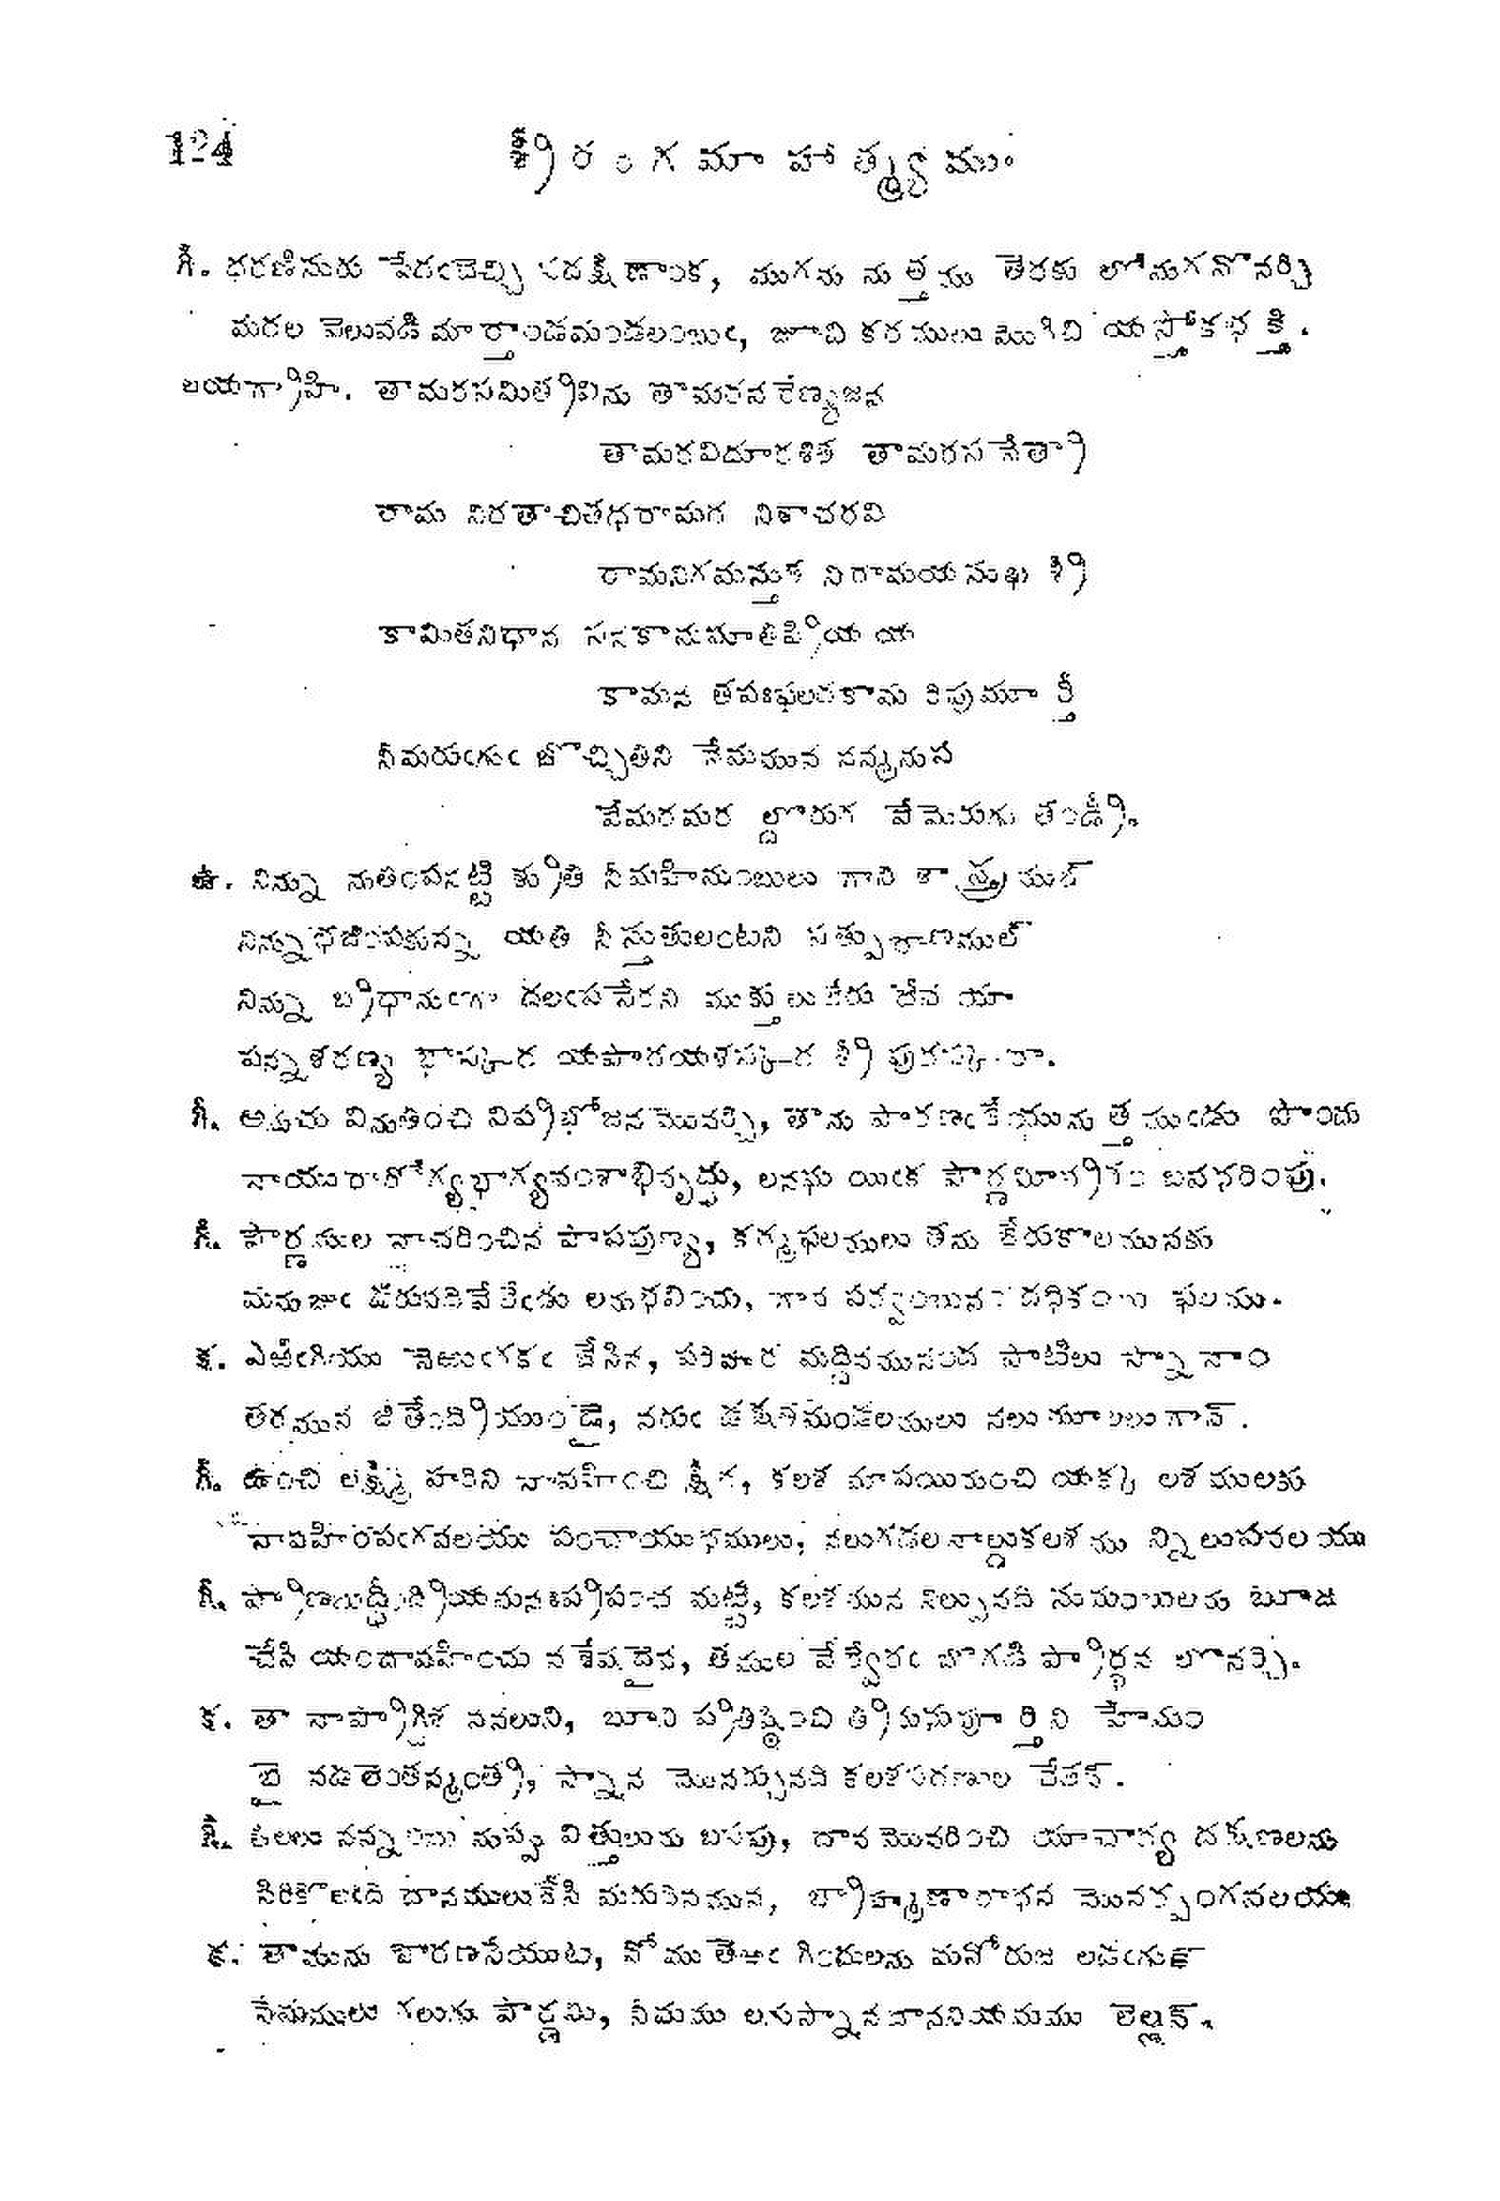గీ. ధరణిసురు పేదఁదెచ్చి సదక్షిణాంక, ముగను నుత్తము తెరకు లోనుగనొనర్చి
 మరల వెలువడి మార్తాండమండలంబుఁ, జూచి కరములు మొగిచి యస్తోకభక్తి.
లయగ్రాహి. తామరసమిత్రవిను తామరవరేణ్యజన
 తామరవిదూరశిత తామరసనేత్రా
 రామ నిరతాచితధరామర నిశాచరవి
 రామనిగమస్తుత నిరామయసుఖ శ్రీ
 కామితనిధాన సనకానుసూతిప్రియ య
 కామన తపఃఫలదకామ రిపుమూర్తీ
 నీ మరుఁగుఁ జొచ్చితిని నేమమున నన్మనుప
 వేమరమర ల్దొరుగ వేమెరుగు తండ్రీ.
ఉ. నిన్ను నుతింపనట్టి శ్రుతి నీమహిమంబులు గాని శాస్త్రముల్
 నిన్ను భజింపకున్న యతి నీస్తుతులంటని సత్పురాణముల్
 నిన్ను బ్రధానుఁగా దలఁపనేరని ముక్తులు లేరు దేవ యా
 పన్నశరణ్య భాస్కర యపారయశస్కర శ్రీ పురస్కరా.
గీ. అనుచు వినుతించి విప్రభోజన మొవర్చి, తాను పారణఁ జేయునుత్తముఁడు పొందు
 నాయురారోగ్యభాగ్యవంశాభివృద్దు, లనఘ యిఁక పౌర్ణమీవ్రతం బవధరింపు.
గీ. పౌర్ణముల నాచరించిన పాపపుణ్య, కర్మఫలములు తను జేరుకాలమునకు
 మనుజుఁ డరువదివేలేఁడు లనుభవించు, గాన పర్వంబునం దధికంబు ఫలము.
క. ఎఱిఁగియు నెఱుఁగకఁ జేసిన, పరిహర మద్దినమునంద పాటిలు స్నానాం
 తరమున జితేంద్రియుండై, నరుఁ డక్షతమండలములు నలుమూలలుగాన్.
గీ. ఉంచి లక్ష్మీ హరిని నావహించి క్షీర, కలశ మాపయి నుంచి యక్కలశములకు
 నావహింపఁగవలయు పంచాయుధములు, నలుగడల నాల్గుకలశము న్నిలుపవలయు.
గీ. ప్రాణబుద్ధీంద్రియమనఃప్రపంచ మట్టి, కలశమున నిల్చునది సుమంబులను బూజ
 చేసి యందావహించు నశేషదైవ, తముల వేర్వేరఁ బొగడి పార్ధన లొనర్చి.
క. తా నాప్రాగ్దిశ ననలుని, బూని ప్రతిష్ఠించి త్రిమధుపూర్తిని హేమం
 బై నడలెంతన్మంత్ర, స్నాన మొనర్చునది కలశసరణుల చేతన్.
గీ. తిలలు నన్నంబు నుప్పు విత్తులును బసపు, దాన మొనరించి యాచార్య దక్షణలను
 సిరికొలఁది దానములు చేసి మరుదినమున, బ్రాహ్మణారాధన మొనర్పంగవలయు.
క. తామును బారణ సేయుట, నోముతెఱఁ గిందులను మనోరుజ లడఁగున్
 సేమములు గలుగు పౌర్ణమి, నీమము లగుస్నానదాననియమము లెల్లన్.